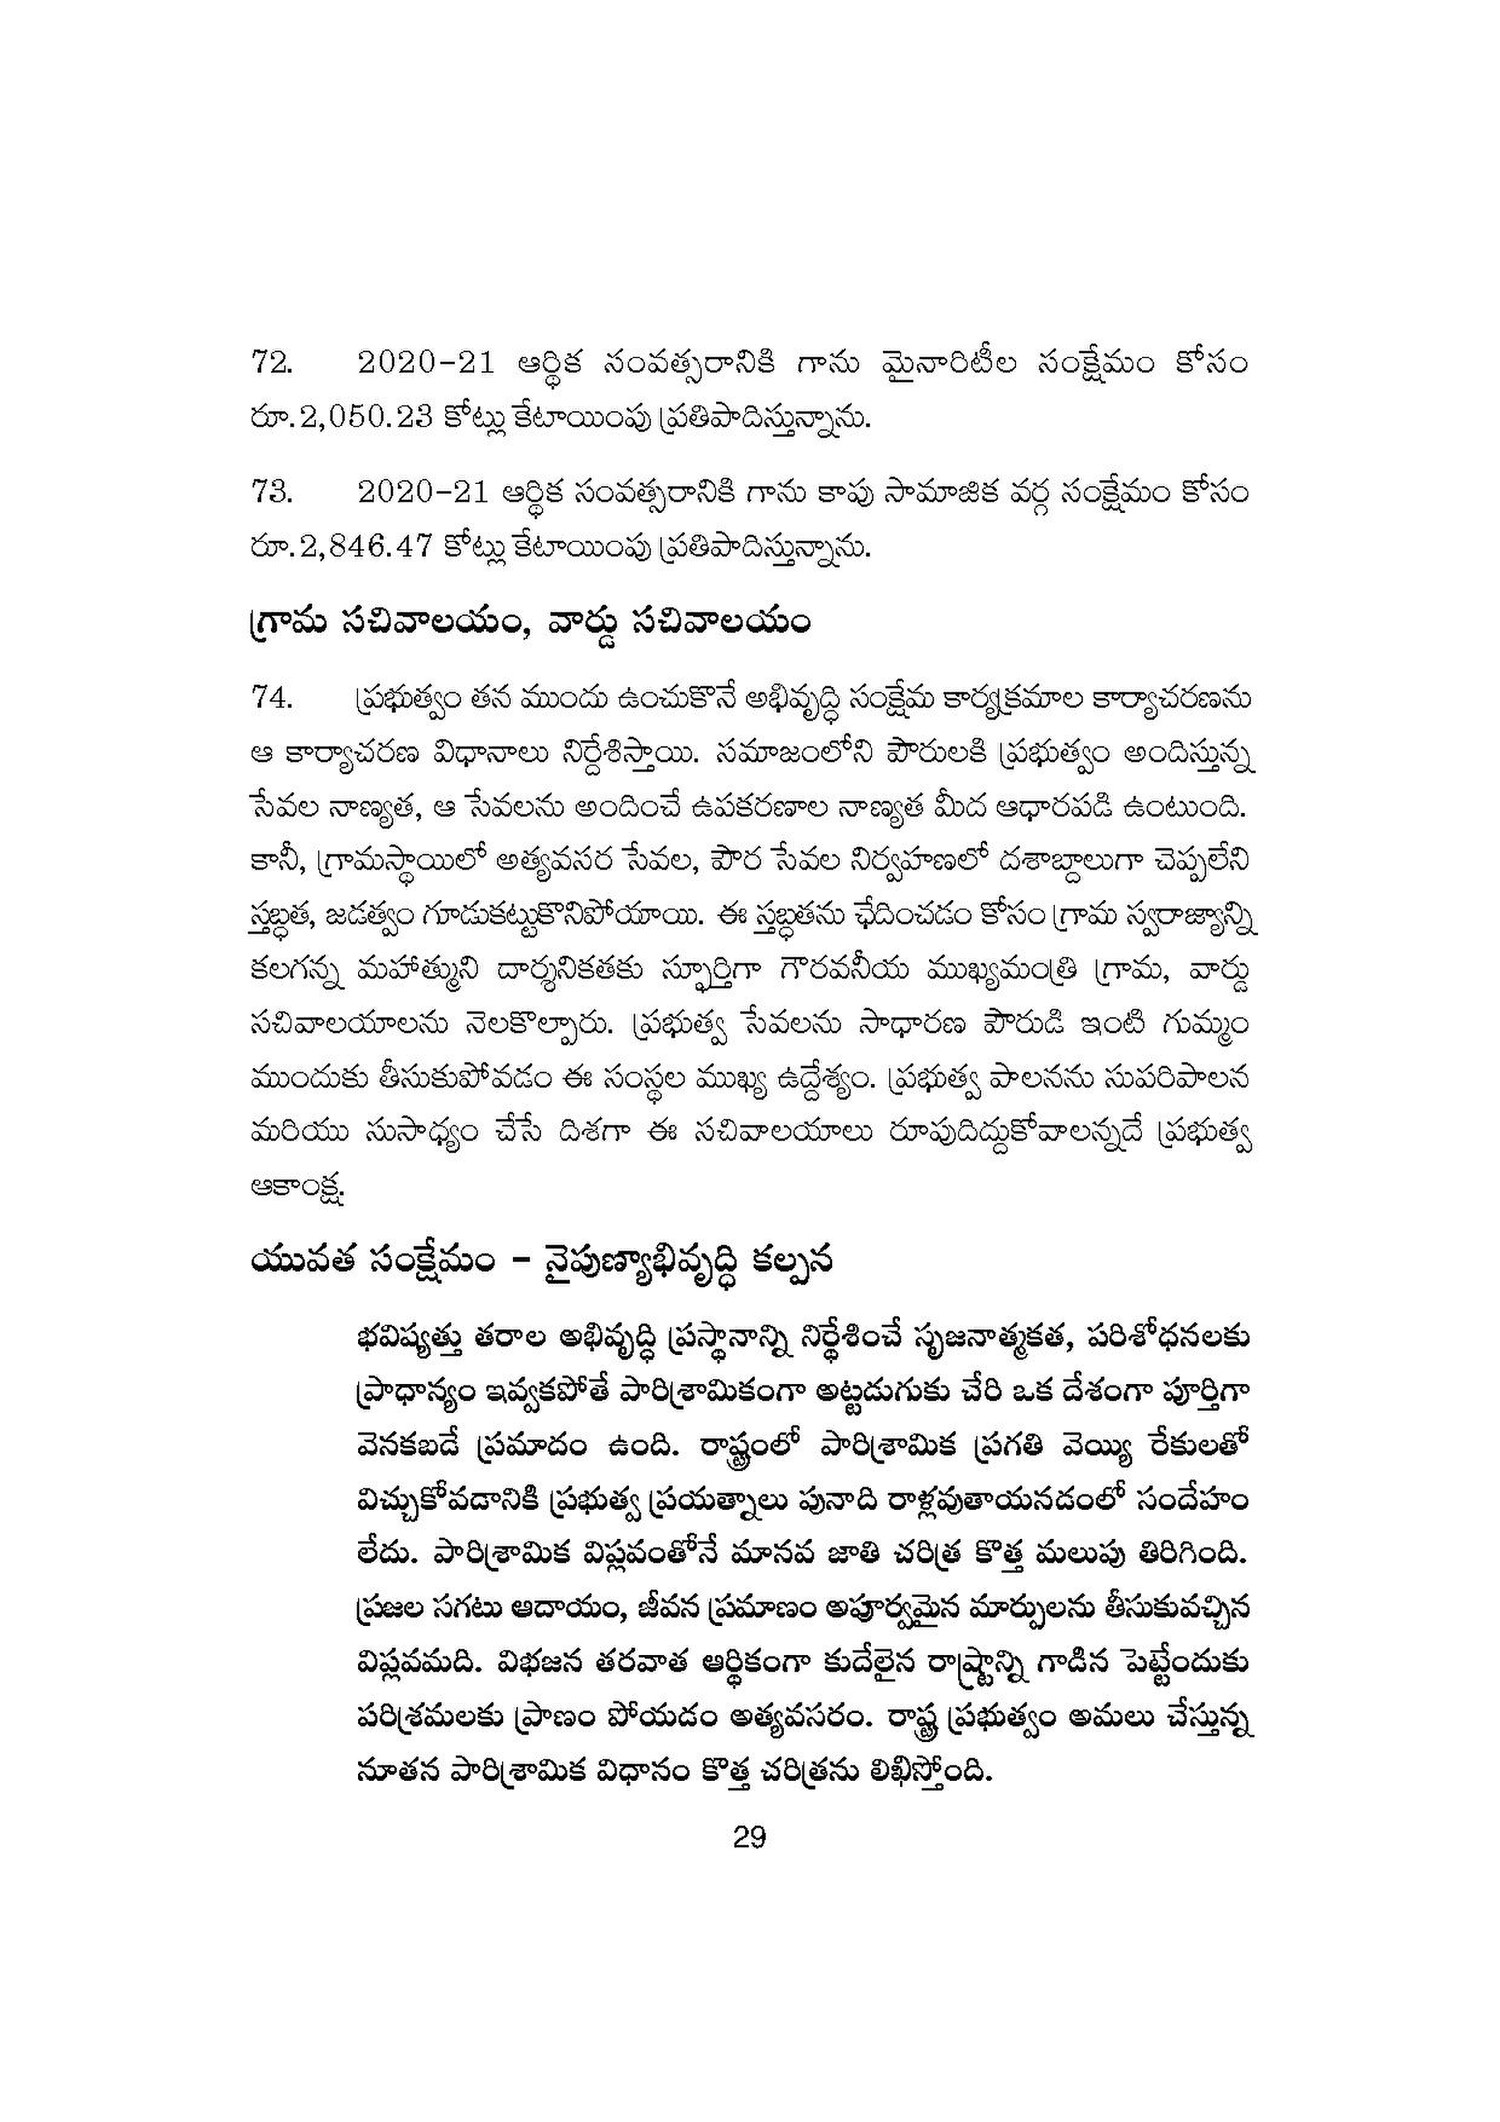72. 2020-21 ఆర్థిక సంవత్సరానికి గాను మైనారిటీల సంక్షేమం కోసం రూ.2,050.23 కోట్లు కేటాయింపు ప్రతిపాదిస్తున్నాను. 

73. 2020-21 ఆర్థిక సంవత్సరానికి గాను కాపు సామాజిక వర్గ సంక్షేమం కోసం రూ.2,846.47 కోట్లు కేటాయింపు ప్రతిపాదిస్తున్నాను.

గ్రామ సచివాలయం, వార్డు సచివాలయం 

74. ప్రభుత్వం తన ముందు ఉంచుకొనే అభివృద్ధి సంక్షేమ కార్యక్రమాల కార్యాచరణను ఆ కార్యాచరణ విధానాలు నిర్దేశిస్తాయి. సమాజంలోని పౌరులకి ప్రభుత్వం అందిస్తున్న సేవల నాణ్యత, ఆ సేవలను అందించే ఉపకరణాల నాణ్యత మీద ఆధారపడి ఉంటుంది. కానీ, గ్రామస్థాయిలో అత్యవసర సేవల, పౌర సేవల నిర్వహణలో దశాబ్దాలుగా చెప్పలేని స్తబ్దత, జడత్వం గూడుకట్టుకొనిపోయాయి. ఈ స్తబ్దతను ఛేదించడం కోసం గ్రామ స్వరాజ్యాన్ని కలగన్న మహాత్ముని దార్శనికతకు స్ఫూర్తిగా గౌరవనీయ ముఖ్యమంత్రి గ్రామ, వార్డు సచివాలయాలను నెలకొల్పారు. ప్రభుత్వ సేవలను సాధారణ పౌరుడి ఇంటి గుమ్మం ముందుకు తీసుకుపోవడం ఈ సంస్థల ముఖ్య ఉద్దేశ్యం. ప్రభుత్వ పాలనను సుపరిపాలన మరియు సుసాధ్యం చేసే దిశగా ఈ సచివాలయాలు రూపుదిద్దుకోవాలన్నదే ప్రభుత్వ ఆకాంక్ష.

యువత సంక్షేమం - నైపుణ్యాభివృద్ధి కల్పన

భవిష్యత్తు తరాల అభివృద్ధి ప్రస్థానాన్ని నిర్దేశించే సృజనాత్మకత, పరిశోధనలకు ప్రాధాన్యం ఇవ్వకపోతే పారిశ్రామికంగా అట్టడుగుకు చేరి ఒక దేశంగా పూర్తిగా వెనకబడే ప్రమాదం ఉంది. రాష్ట్రంలో పారిశ్రామిక ప్రగతి వెయ్యి రేకులతో విచ్చుకోవడానికి ప్రభుత్వ ప్రయత్నాలు పునాది రాళ్లవుతాయనడంలో సందేహం లేదు. పారిశ్రామిక విప్లవంతోనే మానవ జాతి చరిత్ర కొత్త మలుపు తిరిగింది. ప్రజల సగటు ఆదాయం, జీవన ప్రమాణం అపూర్వమైన మార్పులను తీసుకువచ్చిన విప్లవమది. విభజన తరవాత ఆర్థికంగా కుదేలైన రాష్ట్రాన్ని గాడిన పెట్టేందుకు పరిశ్రమలకు ప్రాణం పోయడం అత్యవసరం. రాష్ట్ర ప్రభుత్వం అమలు చేస్తున్న నూతన పారిశ్రామిక విధానం కొత్త చరిత్రను లిఖిస్తోంది.